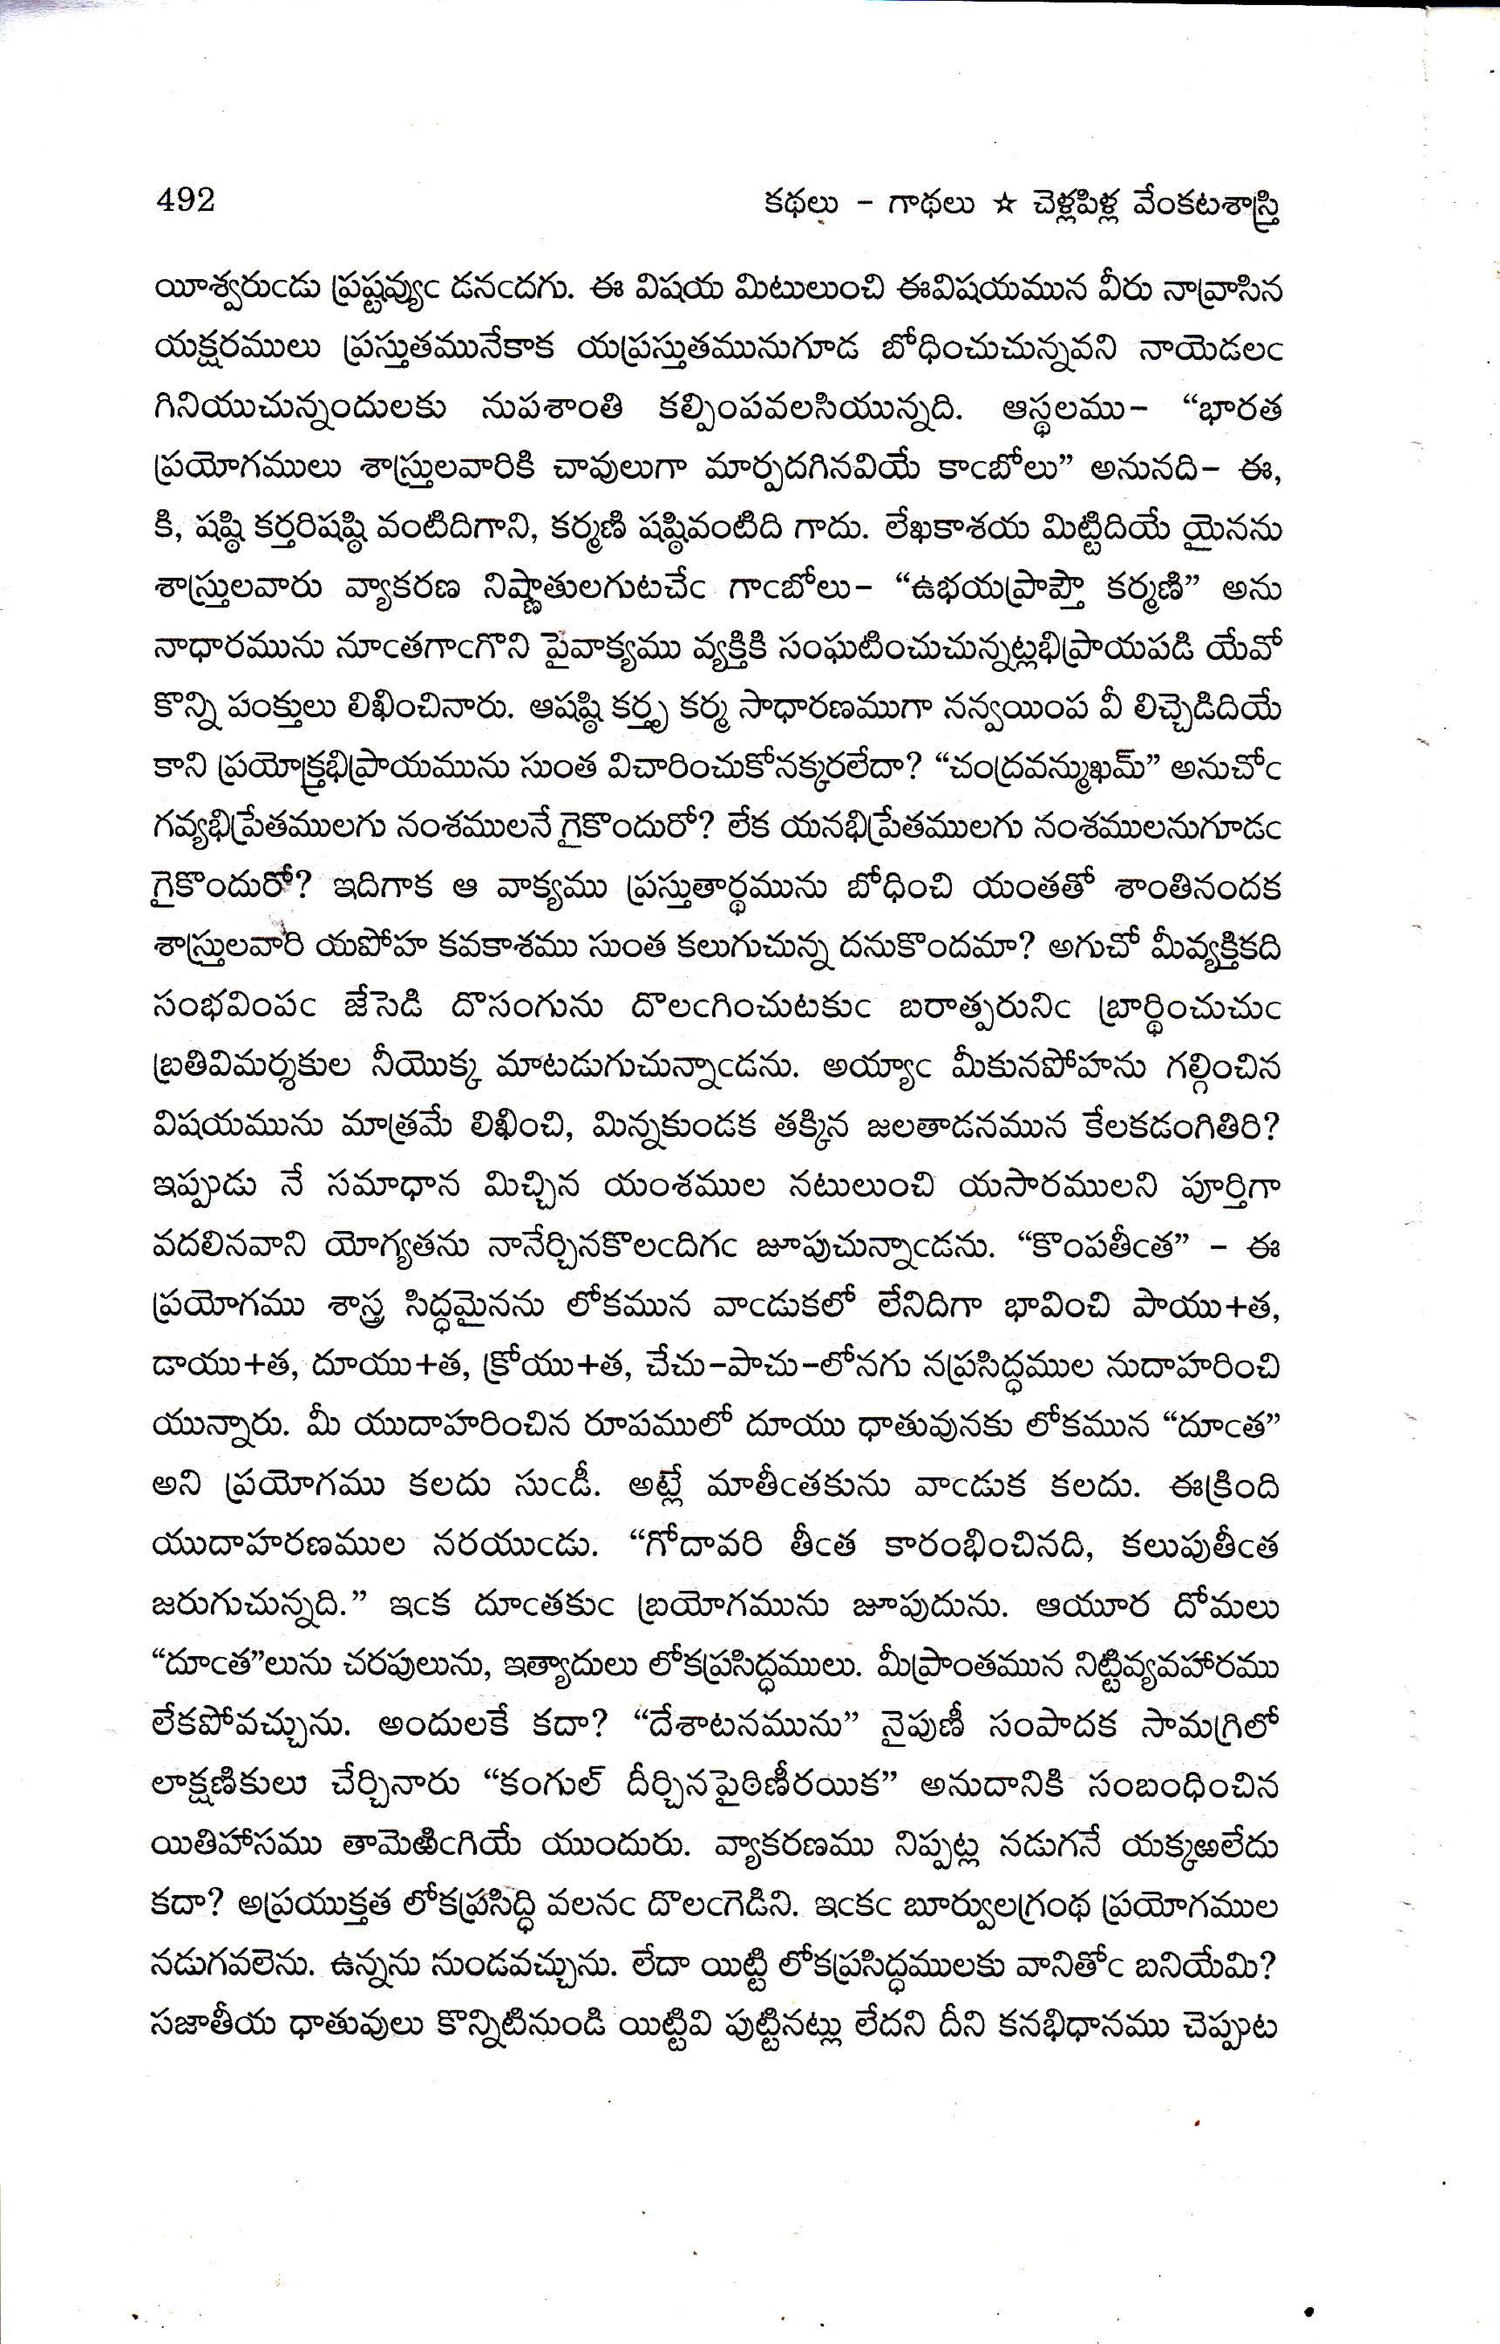యీశ్వరుఁడు ప్రష్టవ్యుఁ డనఁదగు. ఈ విషయ మిటులుంచి ఈవిషయమున వీరు నావ్రాసిన యక్షరములు ప్రస్తుతమునేకాక యప్రస్తుతమునుగూడ బోధించుచున్నవని నాయెడలఁ గినియుచున్నందులకు నుపశాంతి కల్పింపవలసియున్నది. ఆస్థలము- ‘భారత ప్రయోగములు శాస్త్రులవారికి చావులుగా మార్చదగినవియే కాఁబోలు" అనునది- ఈ, కి, షష్ఠి కర్తరిషష్ఠి వంటిదిగాని, కర్మణి షష్ఠివంటిది గాదు. లేఖకాశయ మిట్టిదియే యైనను శాస్త్రులవారు వ్యాకరణ నిష్ణాతులగుటచేఁ గాఁబోలు- "ఉభయప్రాప్తౌ కర్మణి" అను నాధారమును నూఁతగాఁగొని పైవాక్యము వ్యక్తికి సంఘటించుచున్నట్లభిప్రాయపడి యేవో కొన్ని పంక్తులు లిఖించినారు. ఆషష్ఠి కర్తృ కర్మ సాధారణముగా నన్వయింప వీ లిచ్చెడిదియే కాని ప్రయోక్త్రభిప్రాయమును సుంత విచారించుకోనక్కరలేదా? “చంద్రవన్ముఖమ్" అనుచోc గవ్యభిప్రేతములగు నంశములనే గైకొందురో? లేక యనభిప్రేతములగు నంశములనుగూడc గైకొందురో? ఇదిగాక ఆ వాక్యము ప్రస్తుతార్ధమును బోధించి యంతతో శాంతినందక శాస్త్రులవారి యపోహ కవకాశము సుంత కలుగుచున్న దనుకొందమా? అగుచో మీవ్యక్తికది సంభవింపఁ జేసెడి దొసంగును దొలఁగించుటకుఁ బరాత్పరునిఁ బ్రార్ధించుచుఁ బ్రతివిమర్శకుల నీయొక్క మాటడుగుచున్నాఁడను. అయ్యాఁ మీకునఃపోహను గల్గించిన విషయమును మాత్రమే లిఖించి, మిన్నకుండక తక్కిన జలతాడనమున కేలకడంగితిరి? ఇప్పుడు నే సమాధాన మిచ్చిన యంశముల నటులుంచి యసారములని పూర్తిగా వదలినవాని యోగ్యతను నానేర్చినకొలందిగఁ జూపుచున్నాఁడను. "కొంపతీఁత" - ఈ ప్రయోగము శాస్త్ర సిద్ధమైనను లోకమున వాఁడుకలో లేనిదిగా భావించి పాయు+త, డాయు+త, దూయు+త, క్రోయు+త, చేచు-పాచు-లోనగు నప్రసిద్ధముల నుదాహరించి యున్నారు. మీ యుదాహరించిన రూపములో దూయు ధాతువునకు లోకమున “దూఁత” అని ప్రయోగము కలదు సుఁడీ. అట్లే మాతీఁతకును వాఁడుక కలదు. ఈక్రింది యుదాహరణముల నరయుఁడు. “గోదావరి తీcత కారంభించినది, కలుపుతీఁత జరుగుచున్నది.” ఇఁక దూఁతకుఁ బ్రయోగమును జూపుదును. ఆయూర దోమలు “దూఁత"లును చరపులును, ఇత్యాదులు లోకప్రసిద్ధములు. మీప్రాంతమున నిట్టివ్యవహారము లేకపోవచ్చును. అందులకే కదా? “దేశాటనమును" నైపుణీ సంపాదక సామగ్రిలో లాక్షణికులు చేర్చినారు “కంగుల్ దీర్చినపైఠిణీరయిక" అనుదానికి సంబంధించిన యితిహాసము తామెఱిఁగియే యుందురు. వ్యాకరణము నిప్పట్ల నడుగనే యక్కఱలేదు కదా? అప్రయుక్తత లోకప్రసిద్ధి వలనఁ దొలఁగెడిని. ఇఁకఁ బూర్వులగ్రంథ ప్రయోగముల నడుగవలెను. ఉన్నను నుండవచ్చును. లేదా యిట్టి లోకప్రసిద్ధములకు వానితోఁ బనియేమి? సజాతీయ ధాతువులు కొన్నిటినుండి యిట్టివి పుట్టినట్లు లేదని దీని కనభిధానము చెప్పుట